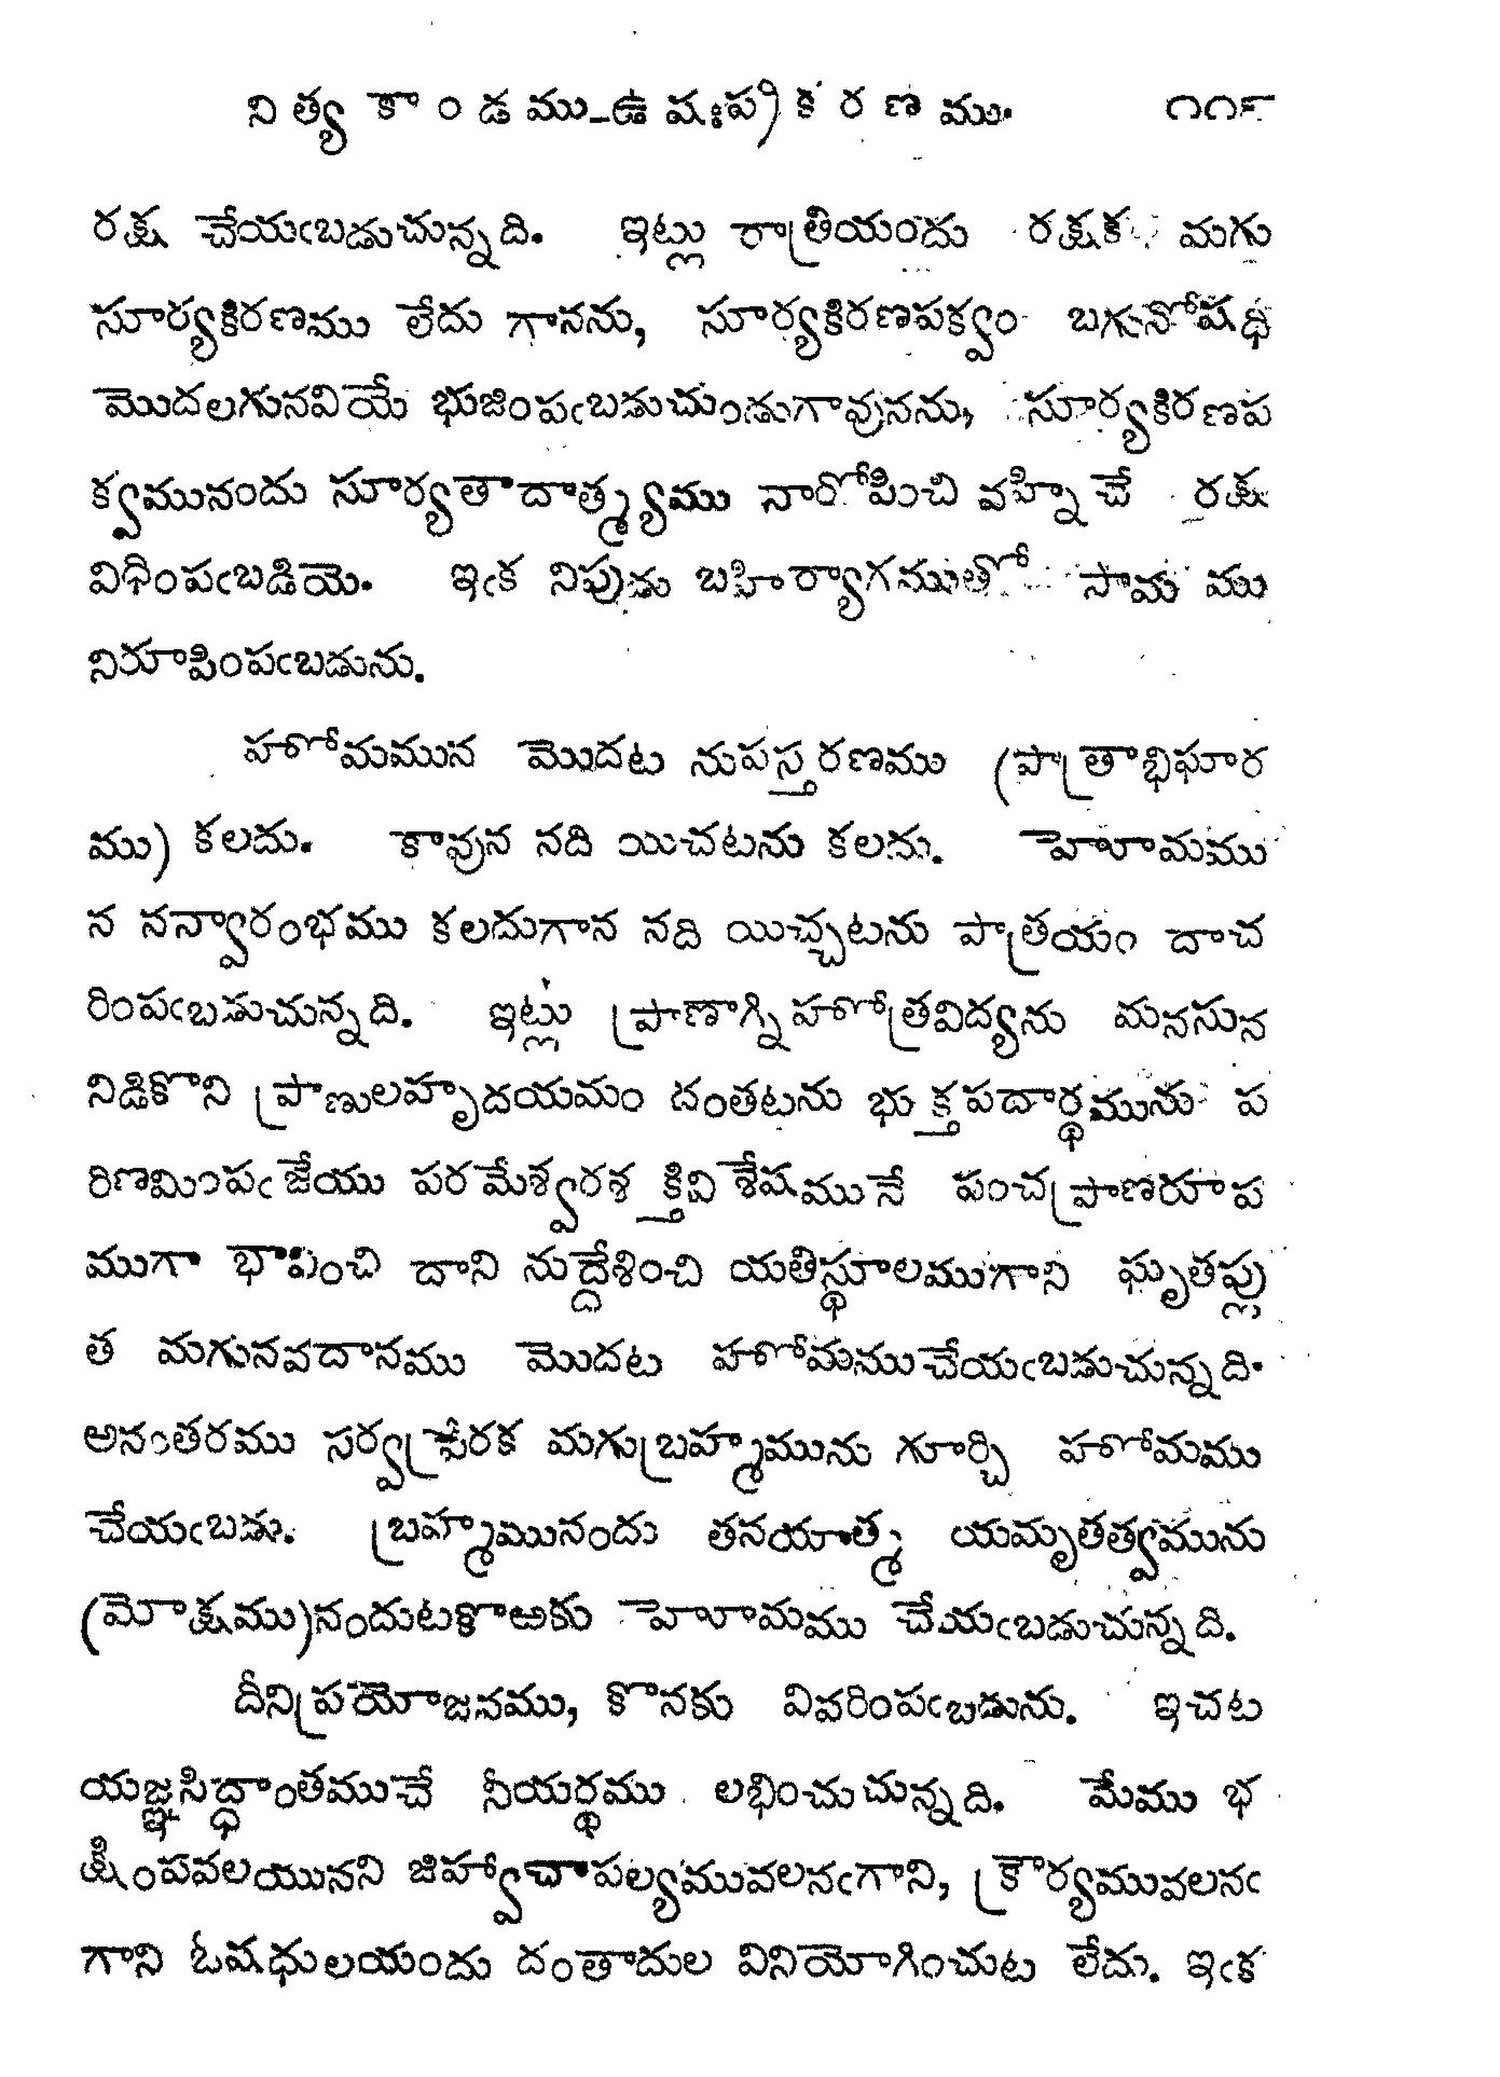రక్ష చేయఁబడుచున్నది. ఇట్లు రాత్రియందు రక్షక మగు సూర్యకిరణము లేదు గానను, సూర్యకిరణపక్వం బగునోషధి మొదలగునవియే భుజింపఁబడుచుండుగావునను, సూర్యకిరణపక్వమునందు సూర్యతాదాత్మ్యము నారోపించి వహ్నిచే రక్ష విధింపఁబడియె. ఇఁక నిపుడు బహిర్యాగముతో సామము నిరూపింపఁబడును.

హోమమున మొదట నుపస్తరణము (ప్రాత్రాభిఘారము) కలదు. కావున నది యిచటను కలదు.
హెూమమున నన్వారంభము కలదుగాన నది యిచ్చటను పాత్రయం దాచరింపఁబడుచున్నది. ఇట్లు ప్రాణాగ్నిహోత్రవిద్యను మనసున నిడికొని ప్రాణులహృదయమం దంతటను భుక్తపదార్థమును పరిణమింపఁజేయు పరమేశ్వరశక్తివిశేషమునే పంచప్రాణరూపముగా భావించి దాని నుద్దేశించి యతిస్థూలముగాని ఘృతప్లుత మగునవదానము మొదట హోమము చేయఁబడుచున్నది. అనంతరము సర్వప్రేరక మగుబ్రహ్మమును గూర్చి హోమము చేయఁబడు. బ్రహ్మమునందు తనయాత్మ యమృతత్వమును
(మోక్షము)నందుటకొఱకు హెూమము చేయఁబడుచున్నది.

దీనిప్రయోజనము, కొనకు వివరింపఁబడును. ఇచట యజ్ఞసిద్ధాంతముచే నీయర్థము లభించుచున్నది. మేము భక్షింపవలయునని జిహ్వాచాపల్యమువలనఁగాని, క్రౌర్యమువలనఁగాని ఓషధులయందు దంతాదుల వినియోగించుట లేదు. ఇఁక